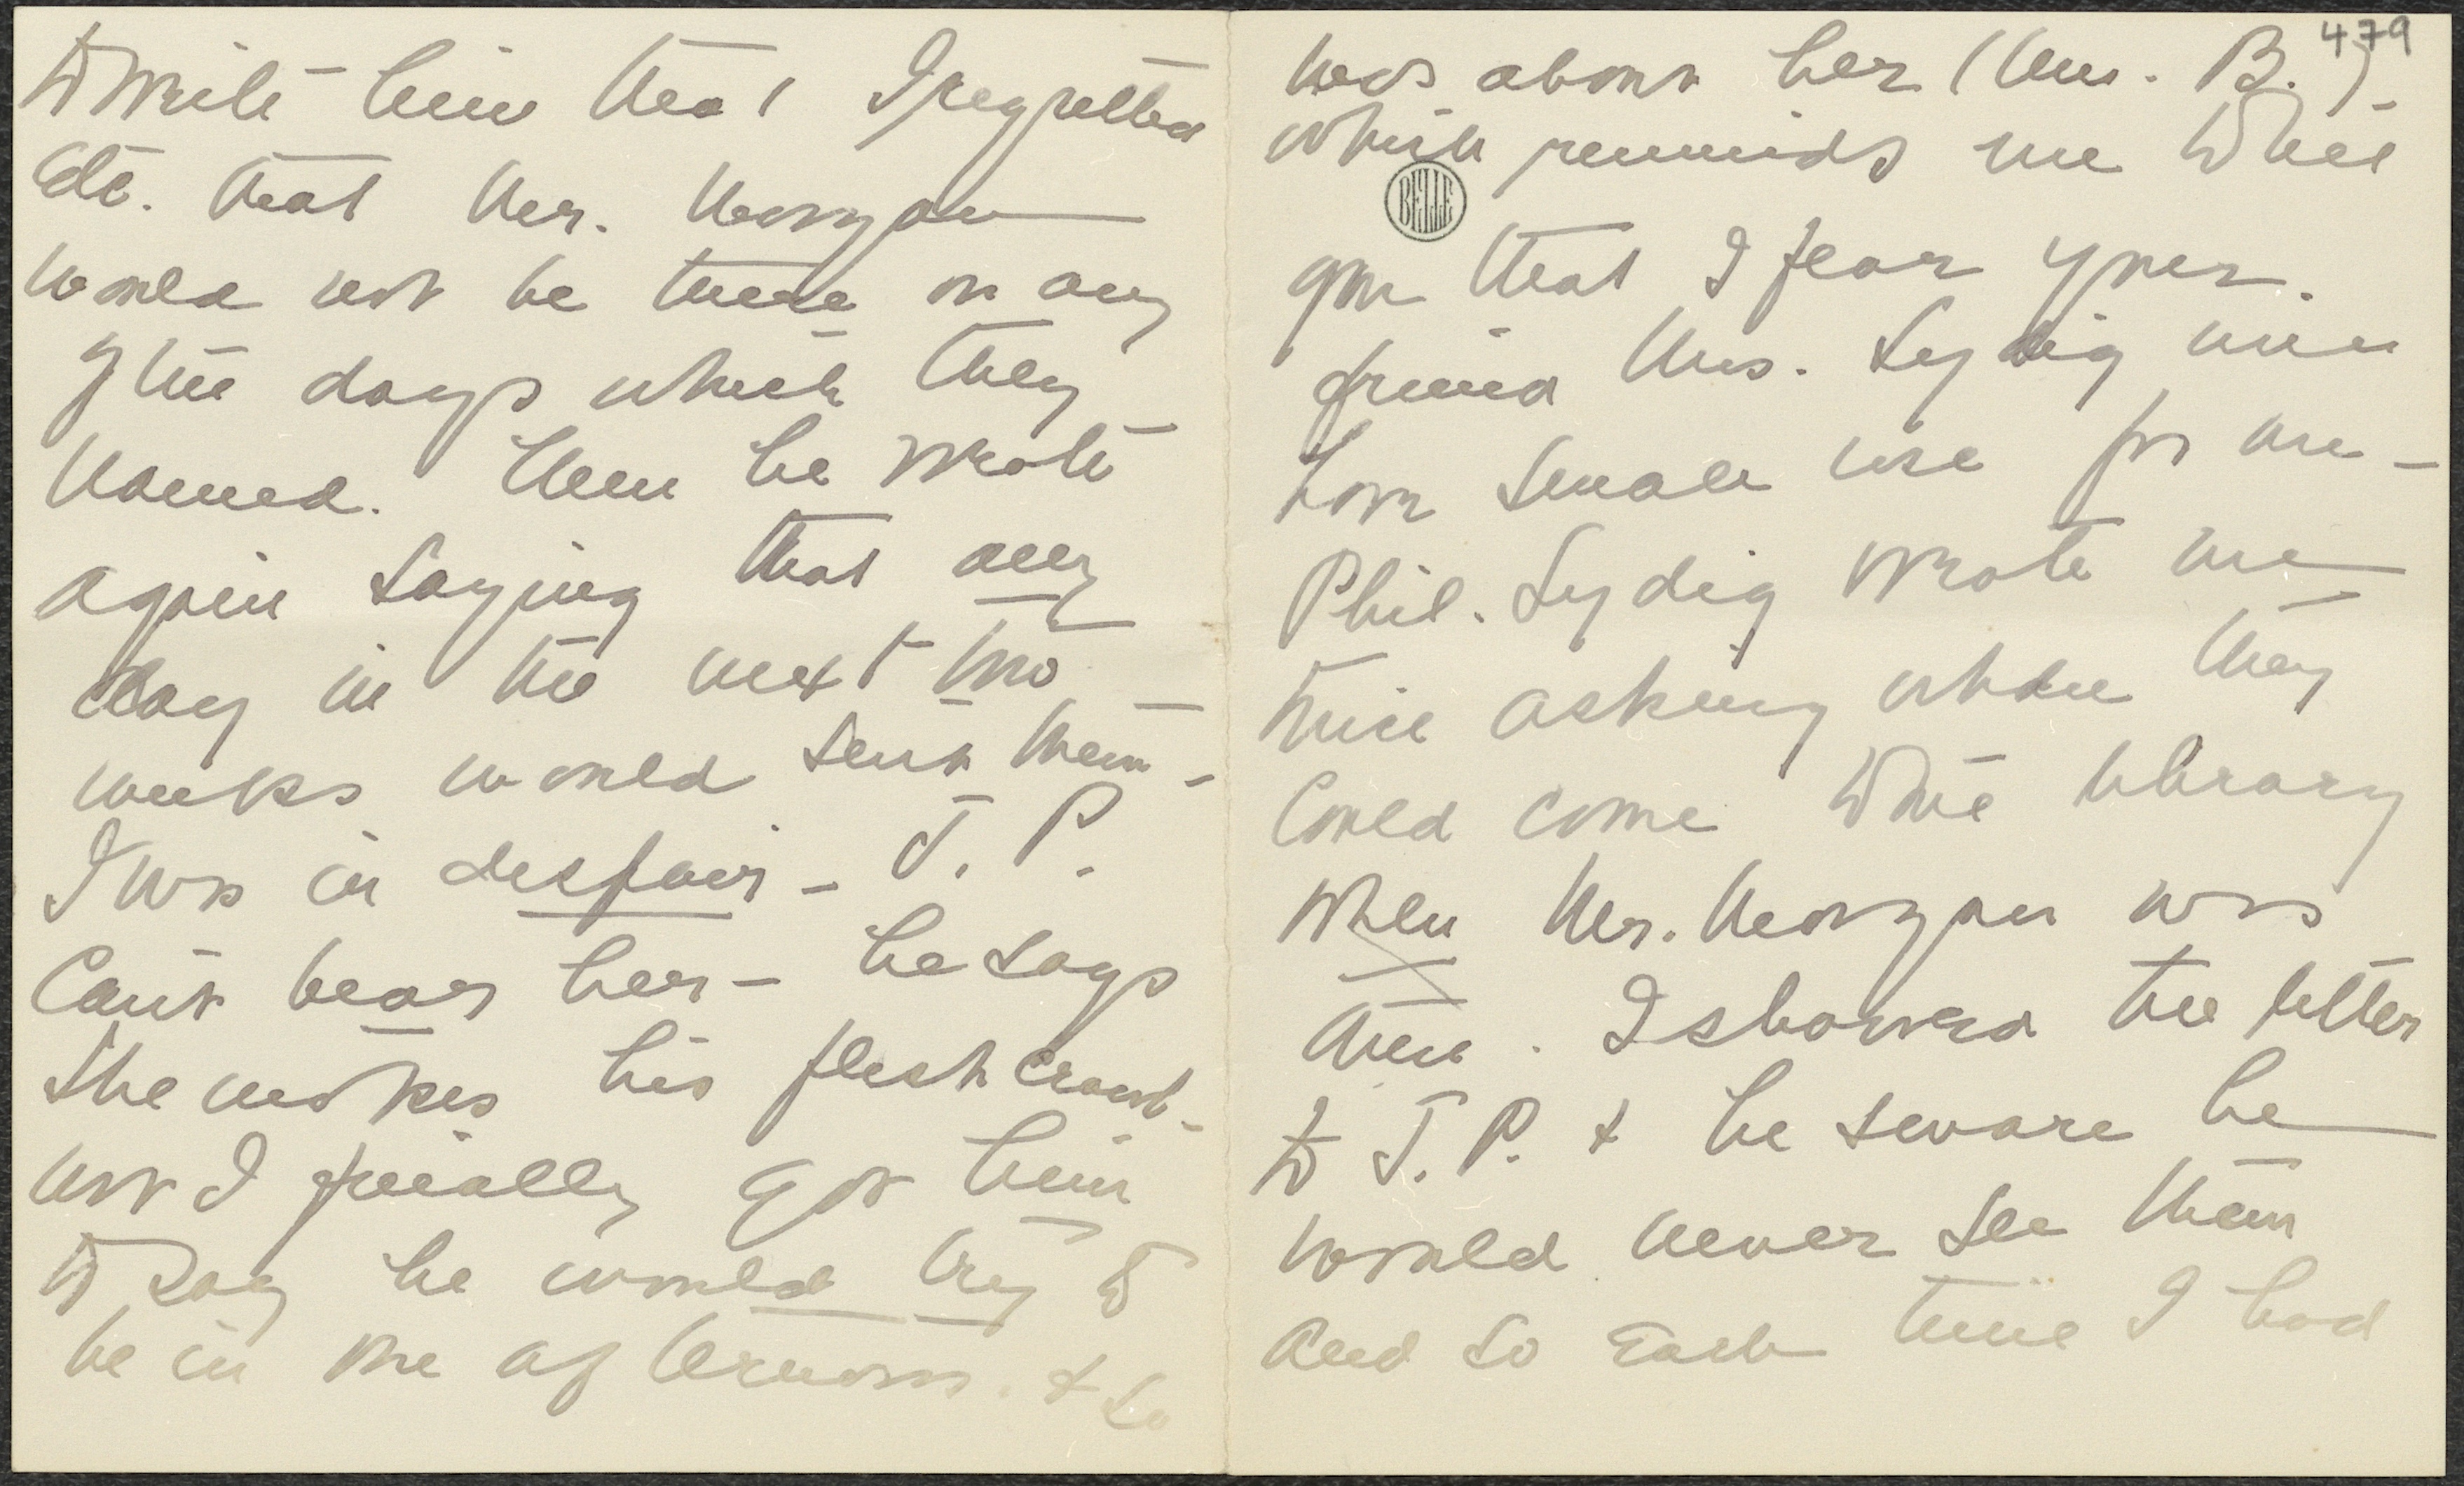was about her (Mrs. B.) – which reminds me to tell you that I fear your friend Mrs. Lydig will have small use for me – Phil. Lydig wrote me twice asking when they could come to the library when Mr. Morgan was there. I showed the letter to J. P. & he swore he would never see them and so each time I had
to write him that I regretted etc. that Mr. Morgan would not be there on any of the days which they named. Then he wrote again saying that any day in the next two weeks would suit them – I was in despair – J. P. can’t bear her – he says she makes his flesh crawl – but I finally got him to say he would try to be in one afternoon. & so